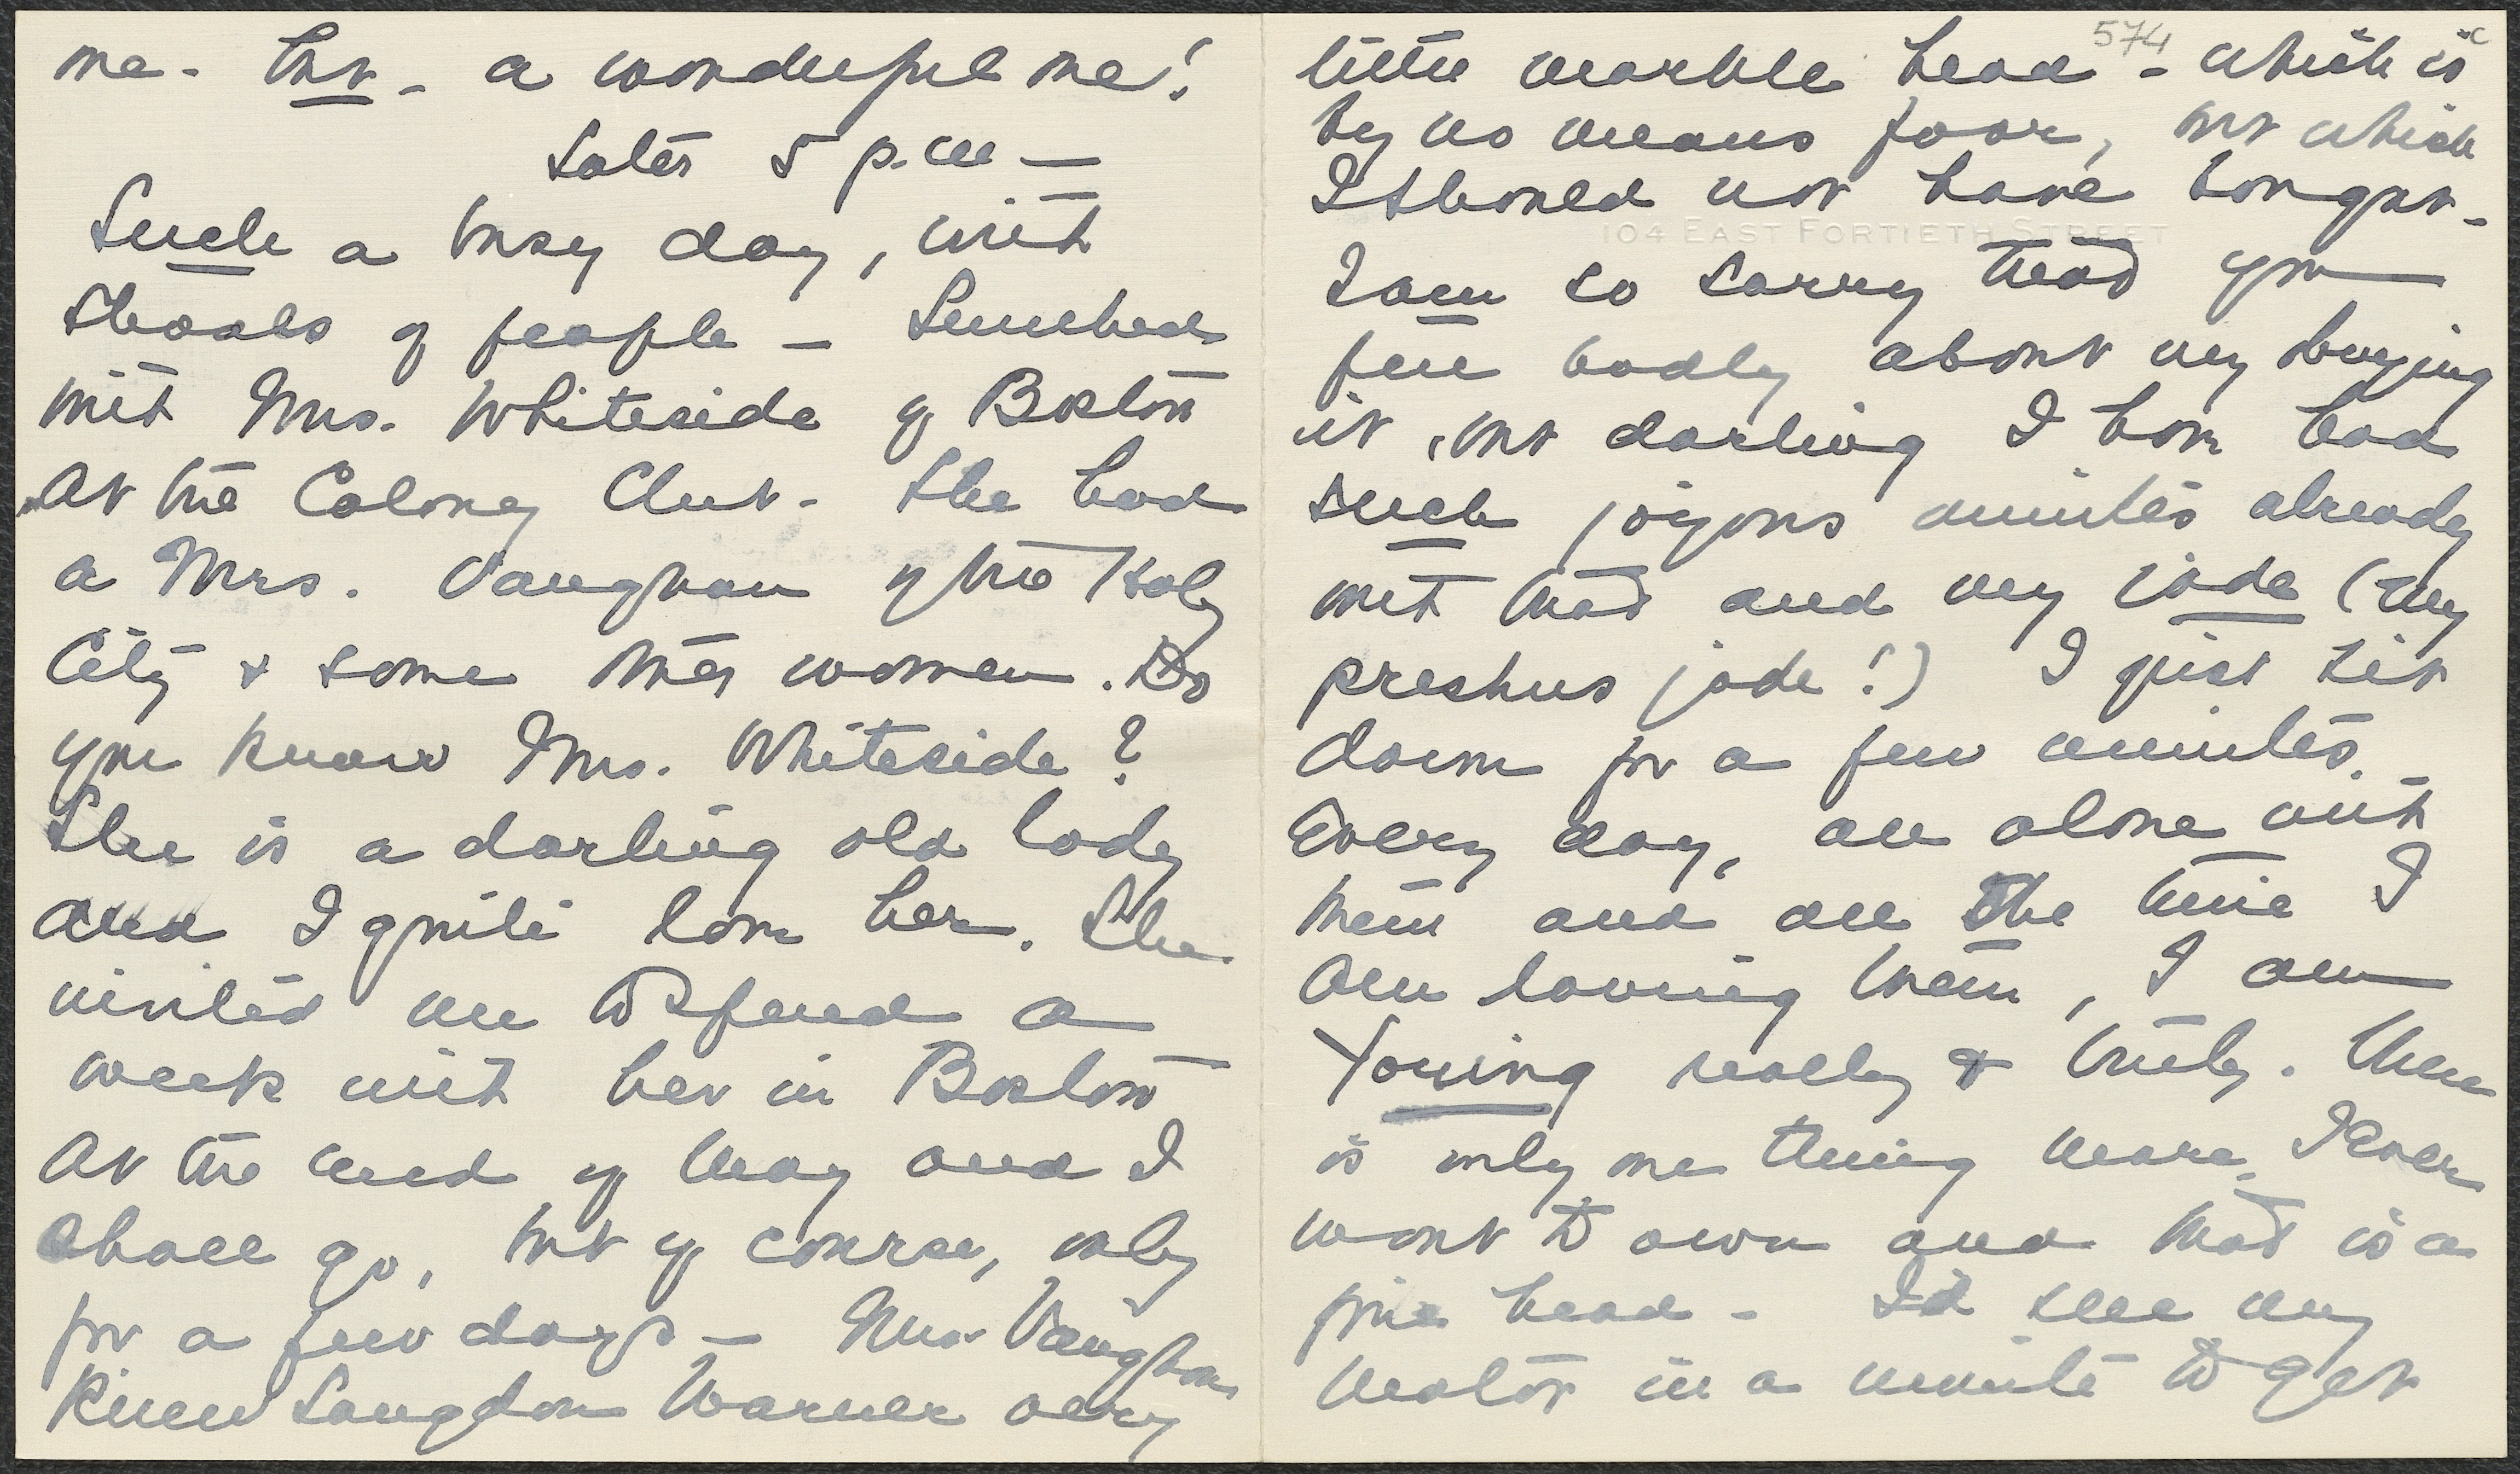little marble head – which is by no means poor, but which I should not have bought – I am so sorry that you feel badly about my buying it, but darling I have had such joyous minutes already with that and my jade (my preshus jade!) I just sit down for a few minutes everyday, all alone with them and all the time I am loving them, I am Youing really & truly. There is only one thing more I ever want to own and that is a fine head – I’d sell my motor in a minute to get
one – but – a wonderful one!
Later 5 p.m –
Such a busy day, with shoals of people – Lunched with Mrs. Whiteside of Boston at the Colony Club – She had a Mrs. Vaughan of the Holy City & some other women. Do you know Mrs. Whiteside? She is a darling old lady and I quite love her. She invited me to spend a week with her in Boston at the end of May and I shall go, but of course, only for a few days – Mrs. Vaughn knew Langdon Warner very